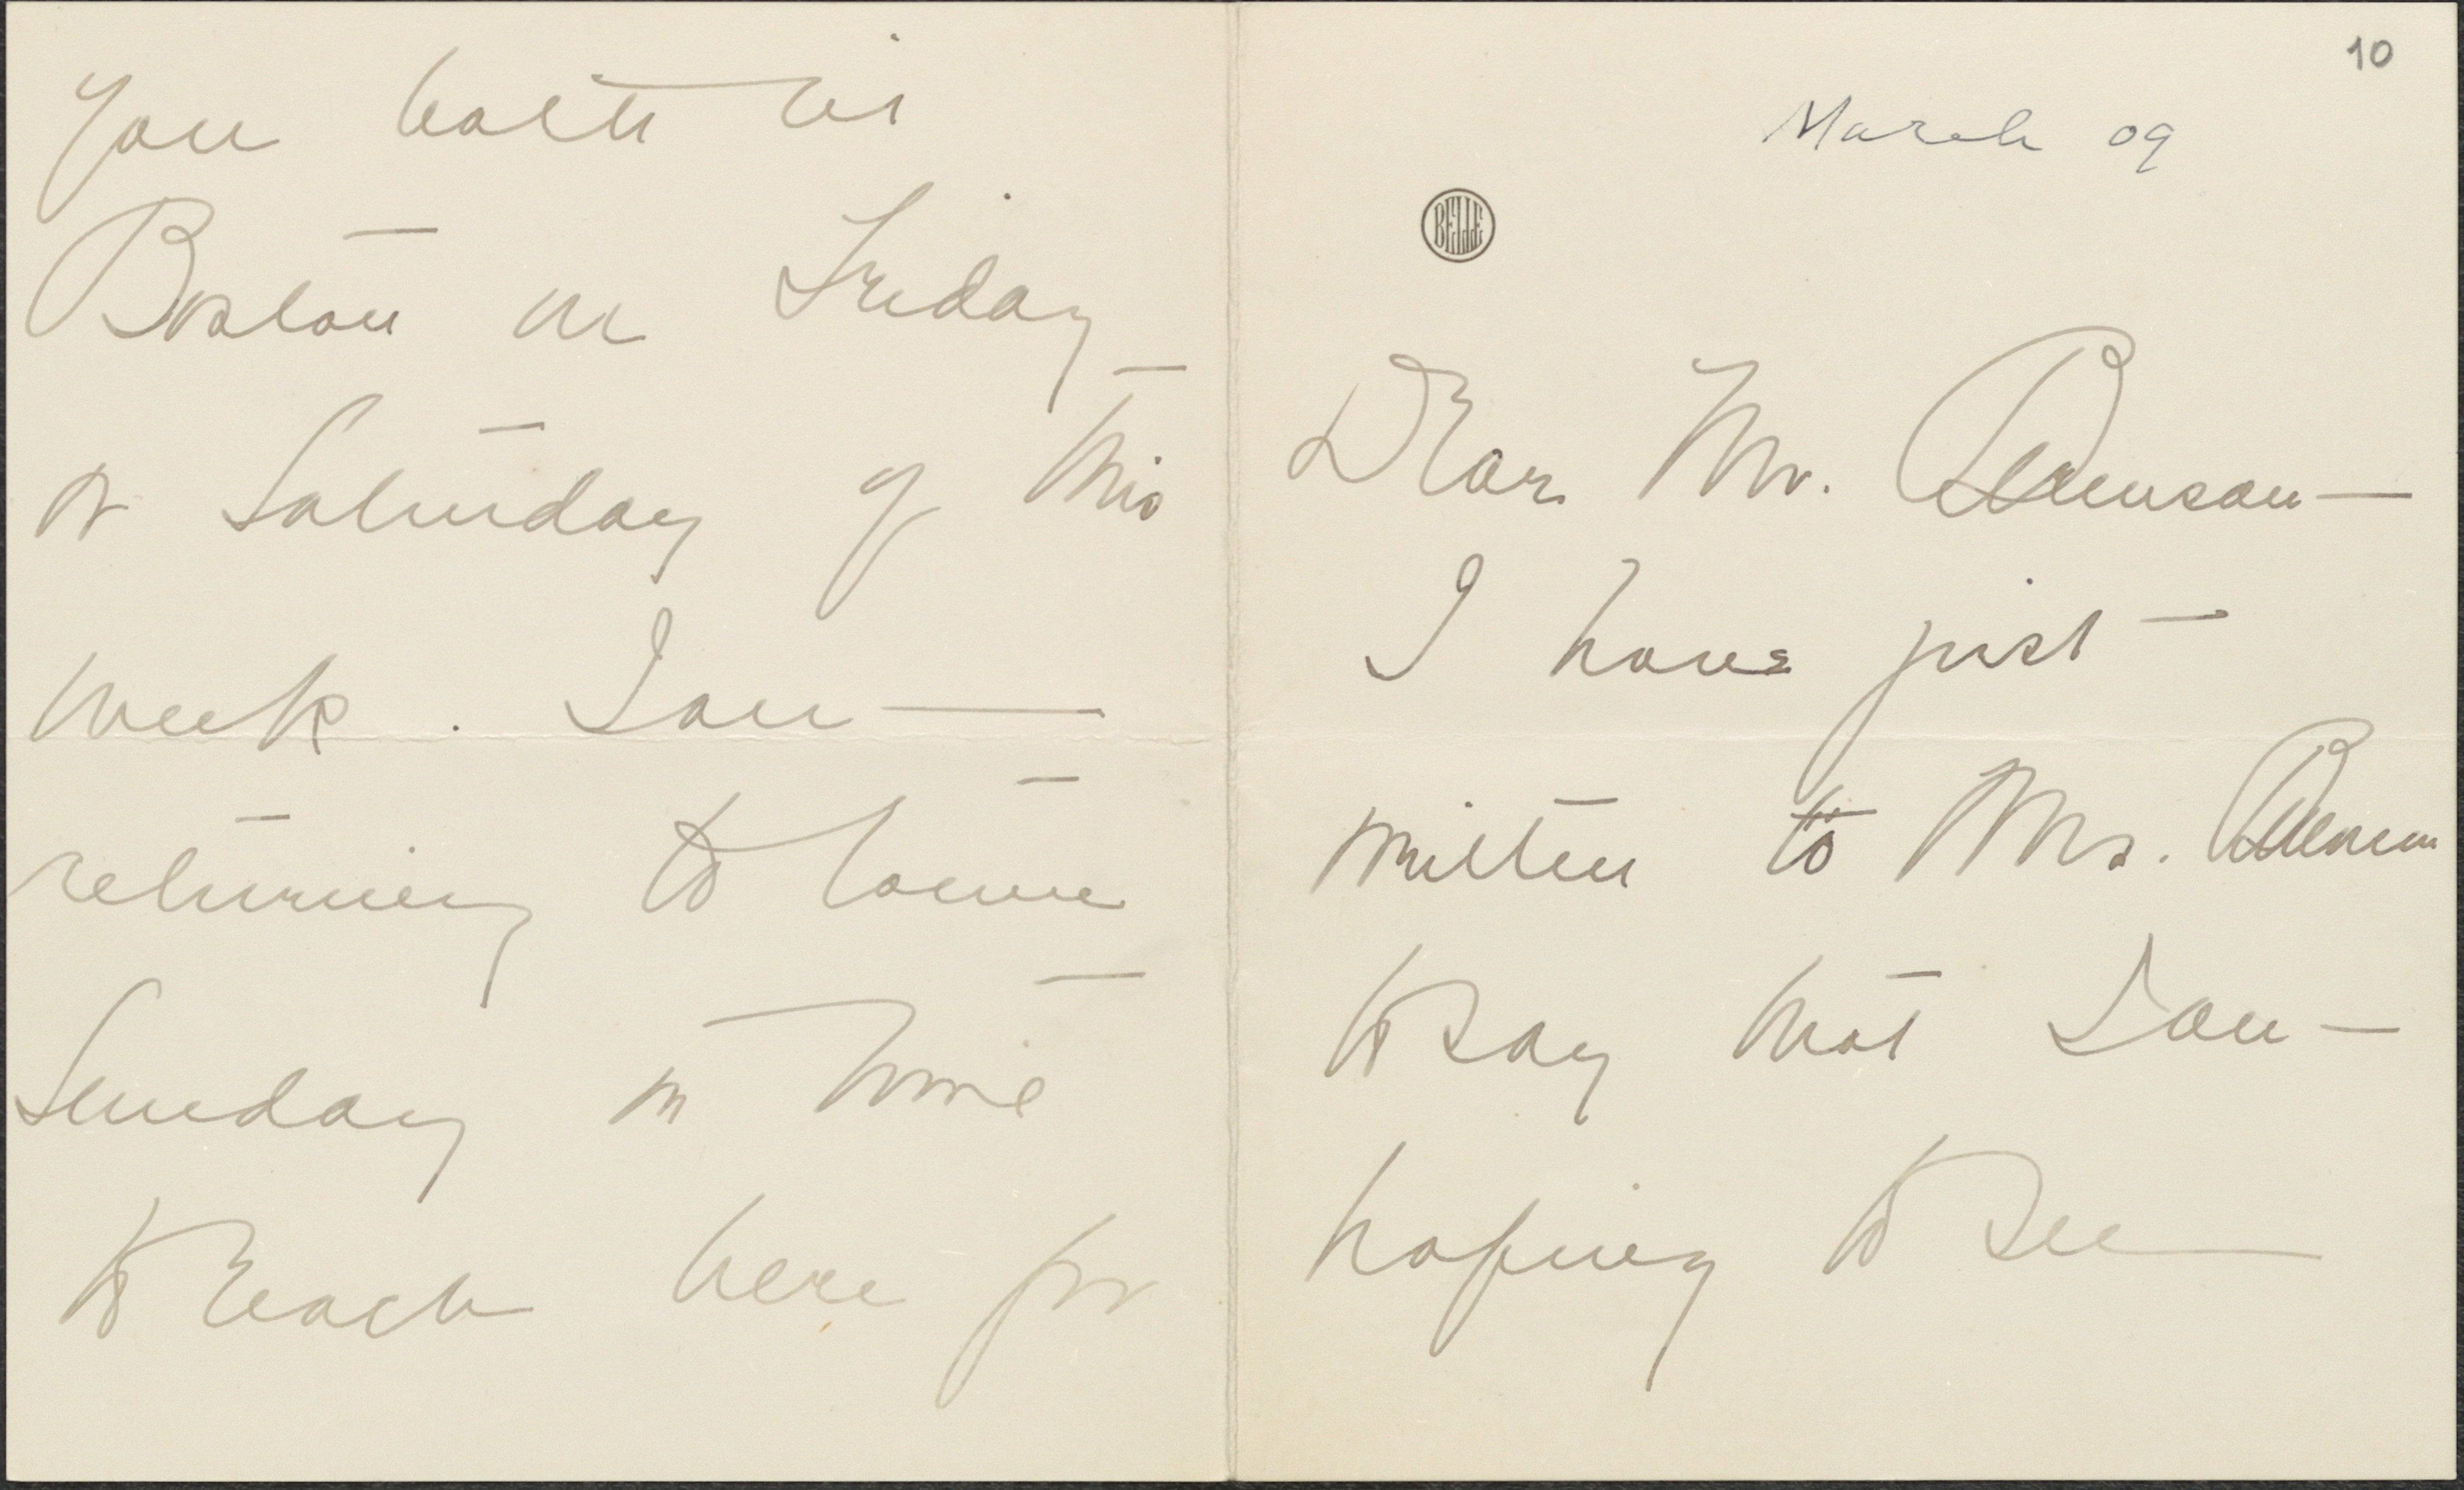Dear Mr. Berenson –
I have just written to Mrs. Berenson to say that I am hoping to see
you both in Boston on Friday or Saturday of this week. I am returning to town Sunday in time to reach here for